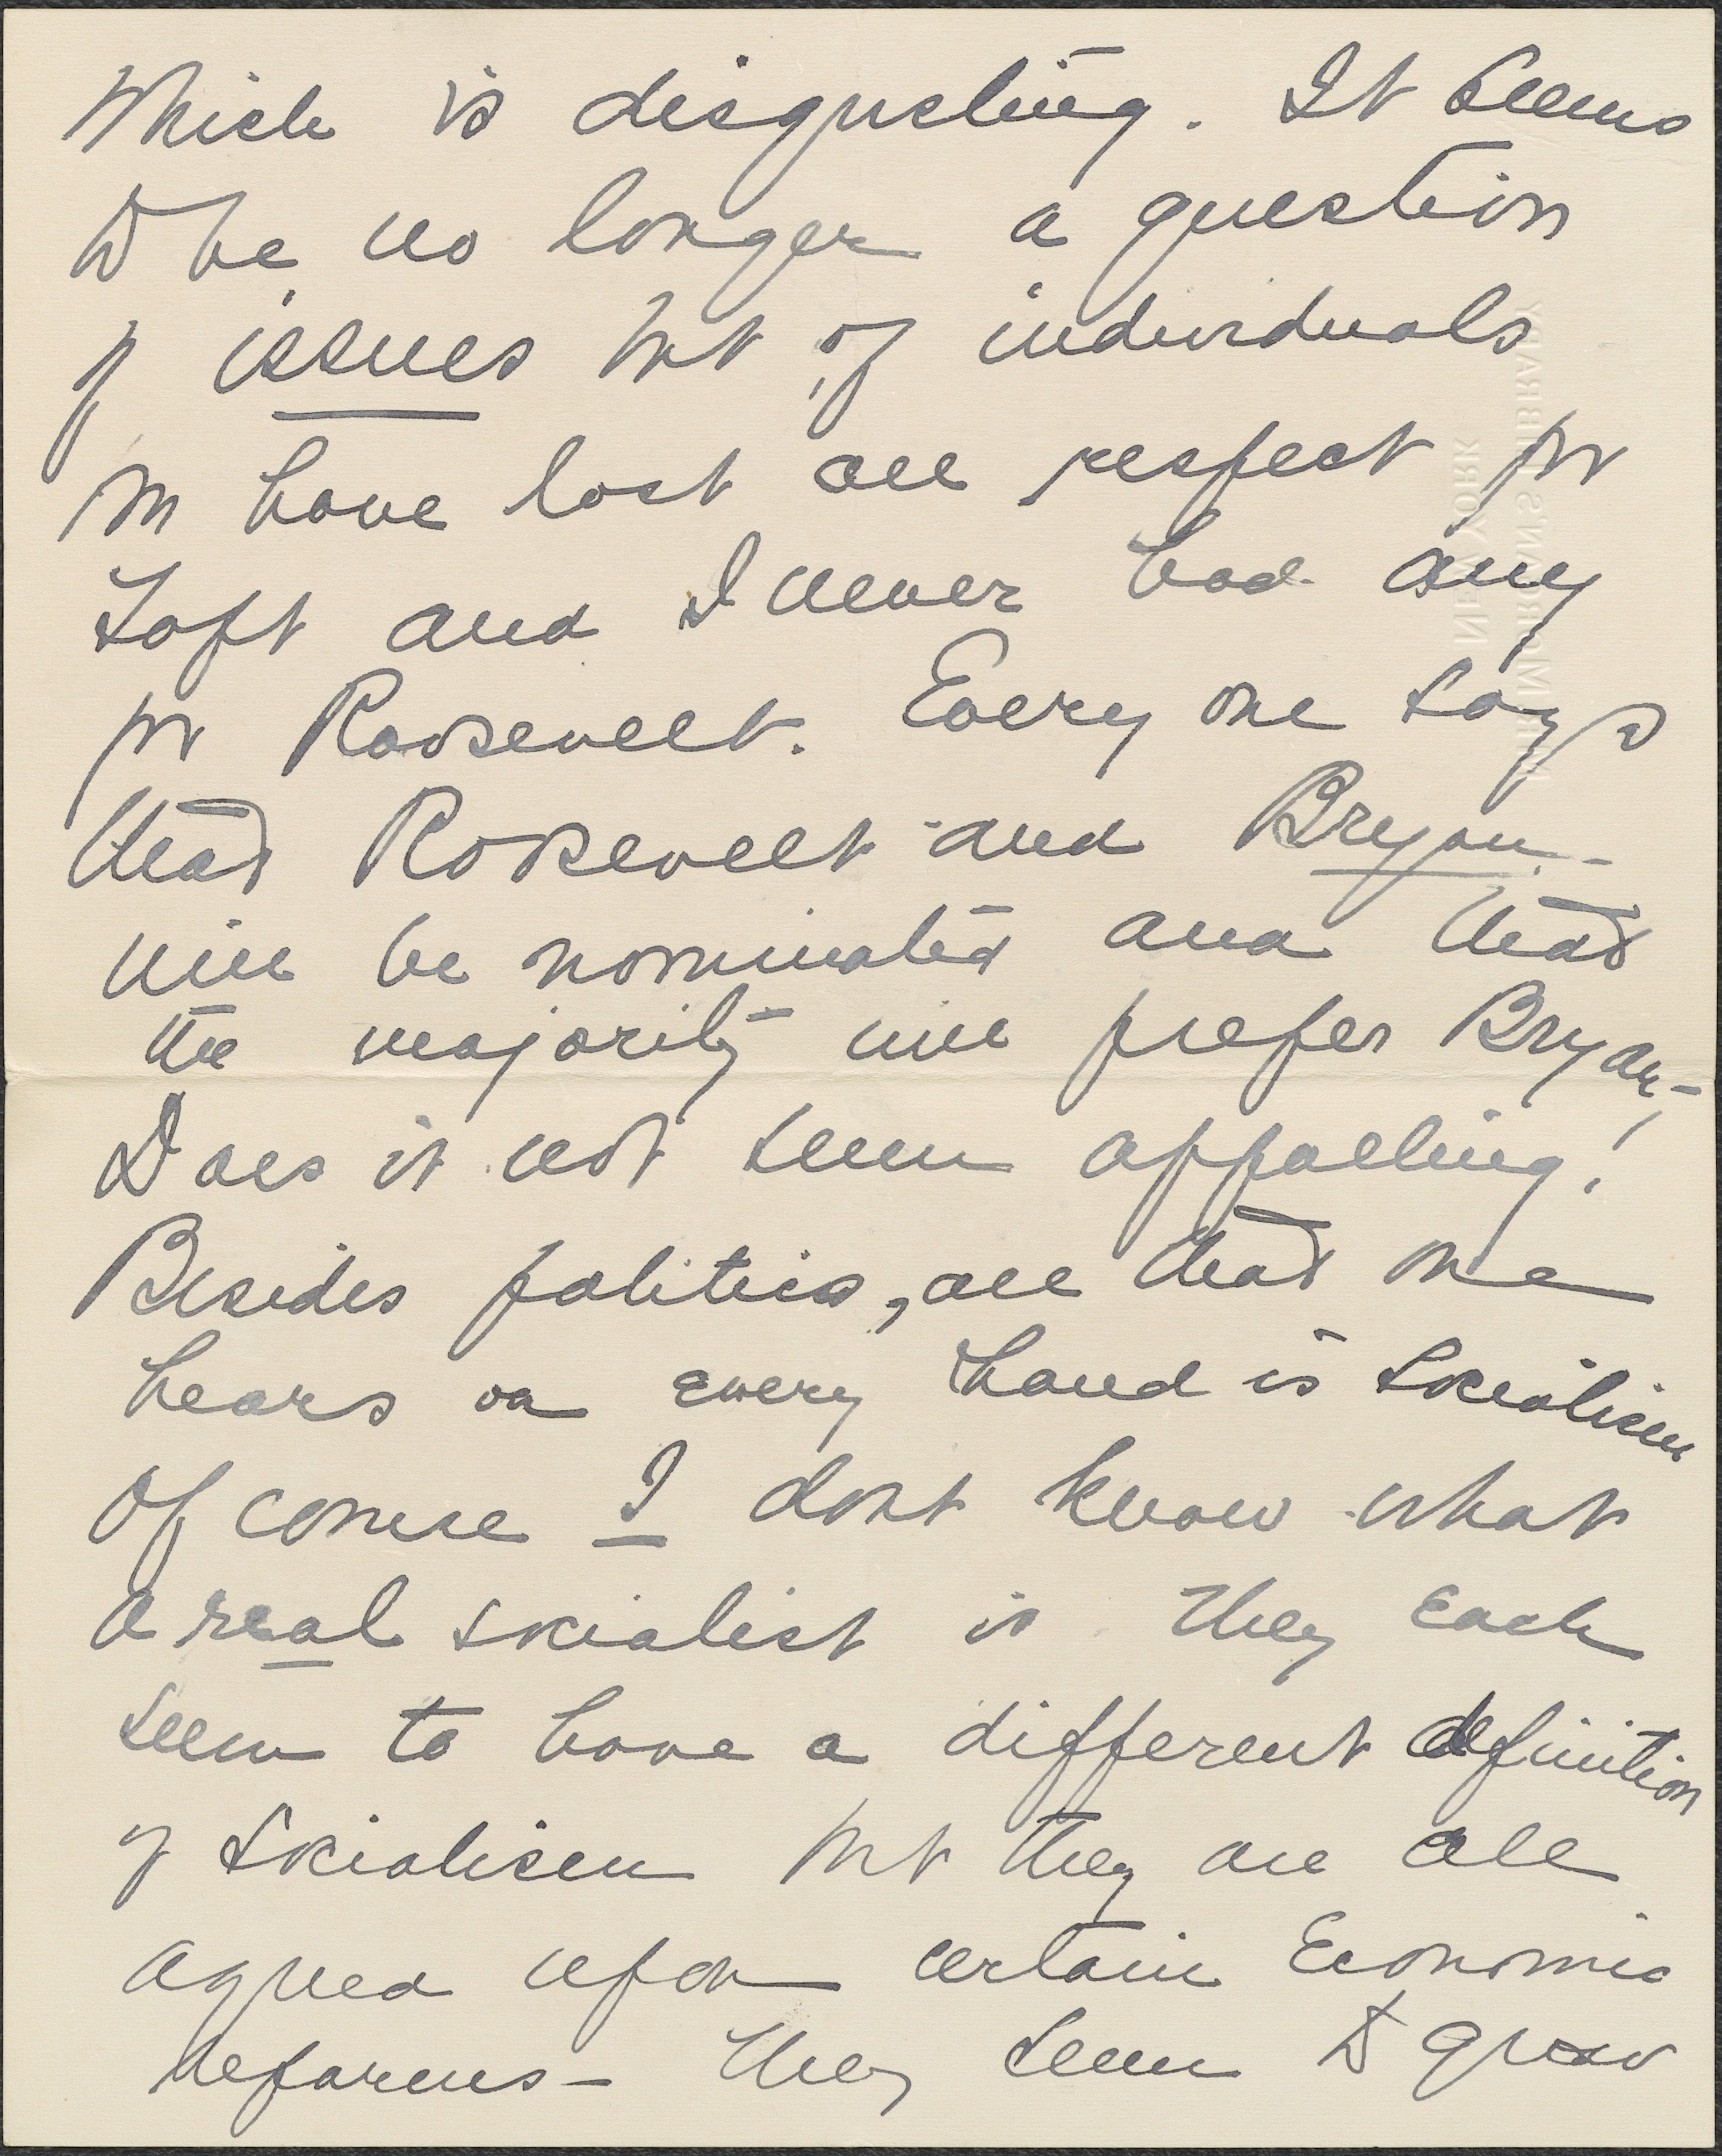which is disgusting. It seems to be no longer a question of issues but of individuals We have lost all respect for Taft and I never had any for Roosevelt. Every one says that Roosevelt and Bryan will be nominated and that the majority will prefer Bryan – Does it not seem appalling! Besides politics, all that one hears on every hand is socialism Of course I dont [sic] know what a real socialist is. They each seem to have a different definition of socialism but they are all agreed upon certain economic reforms – They seem to grow